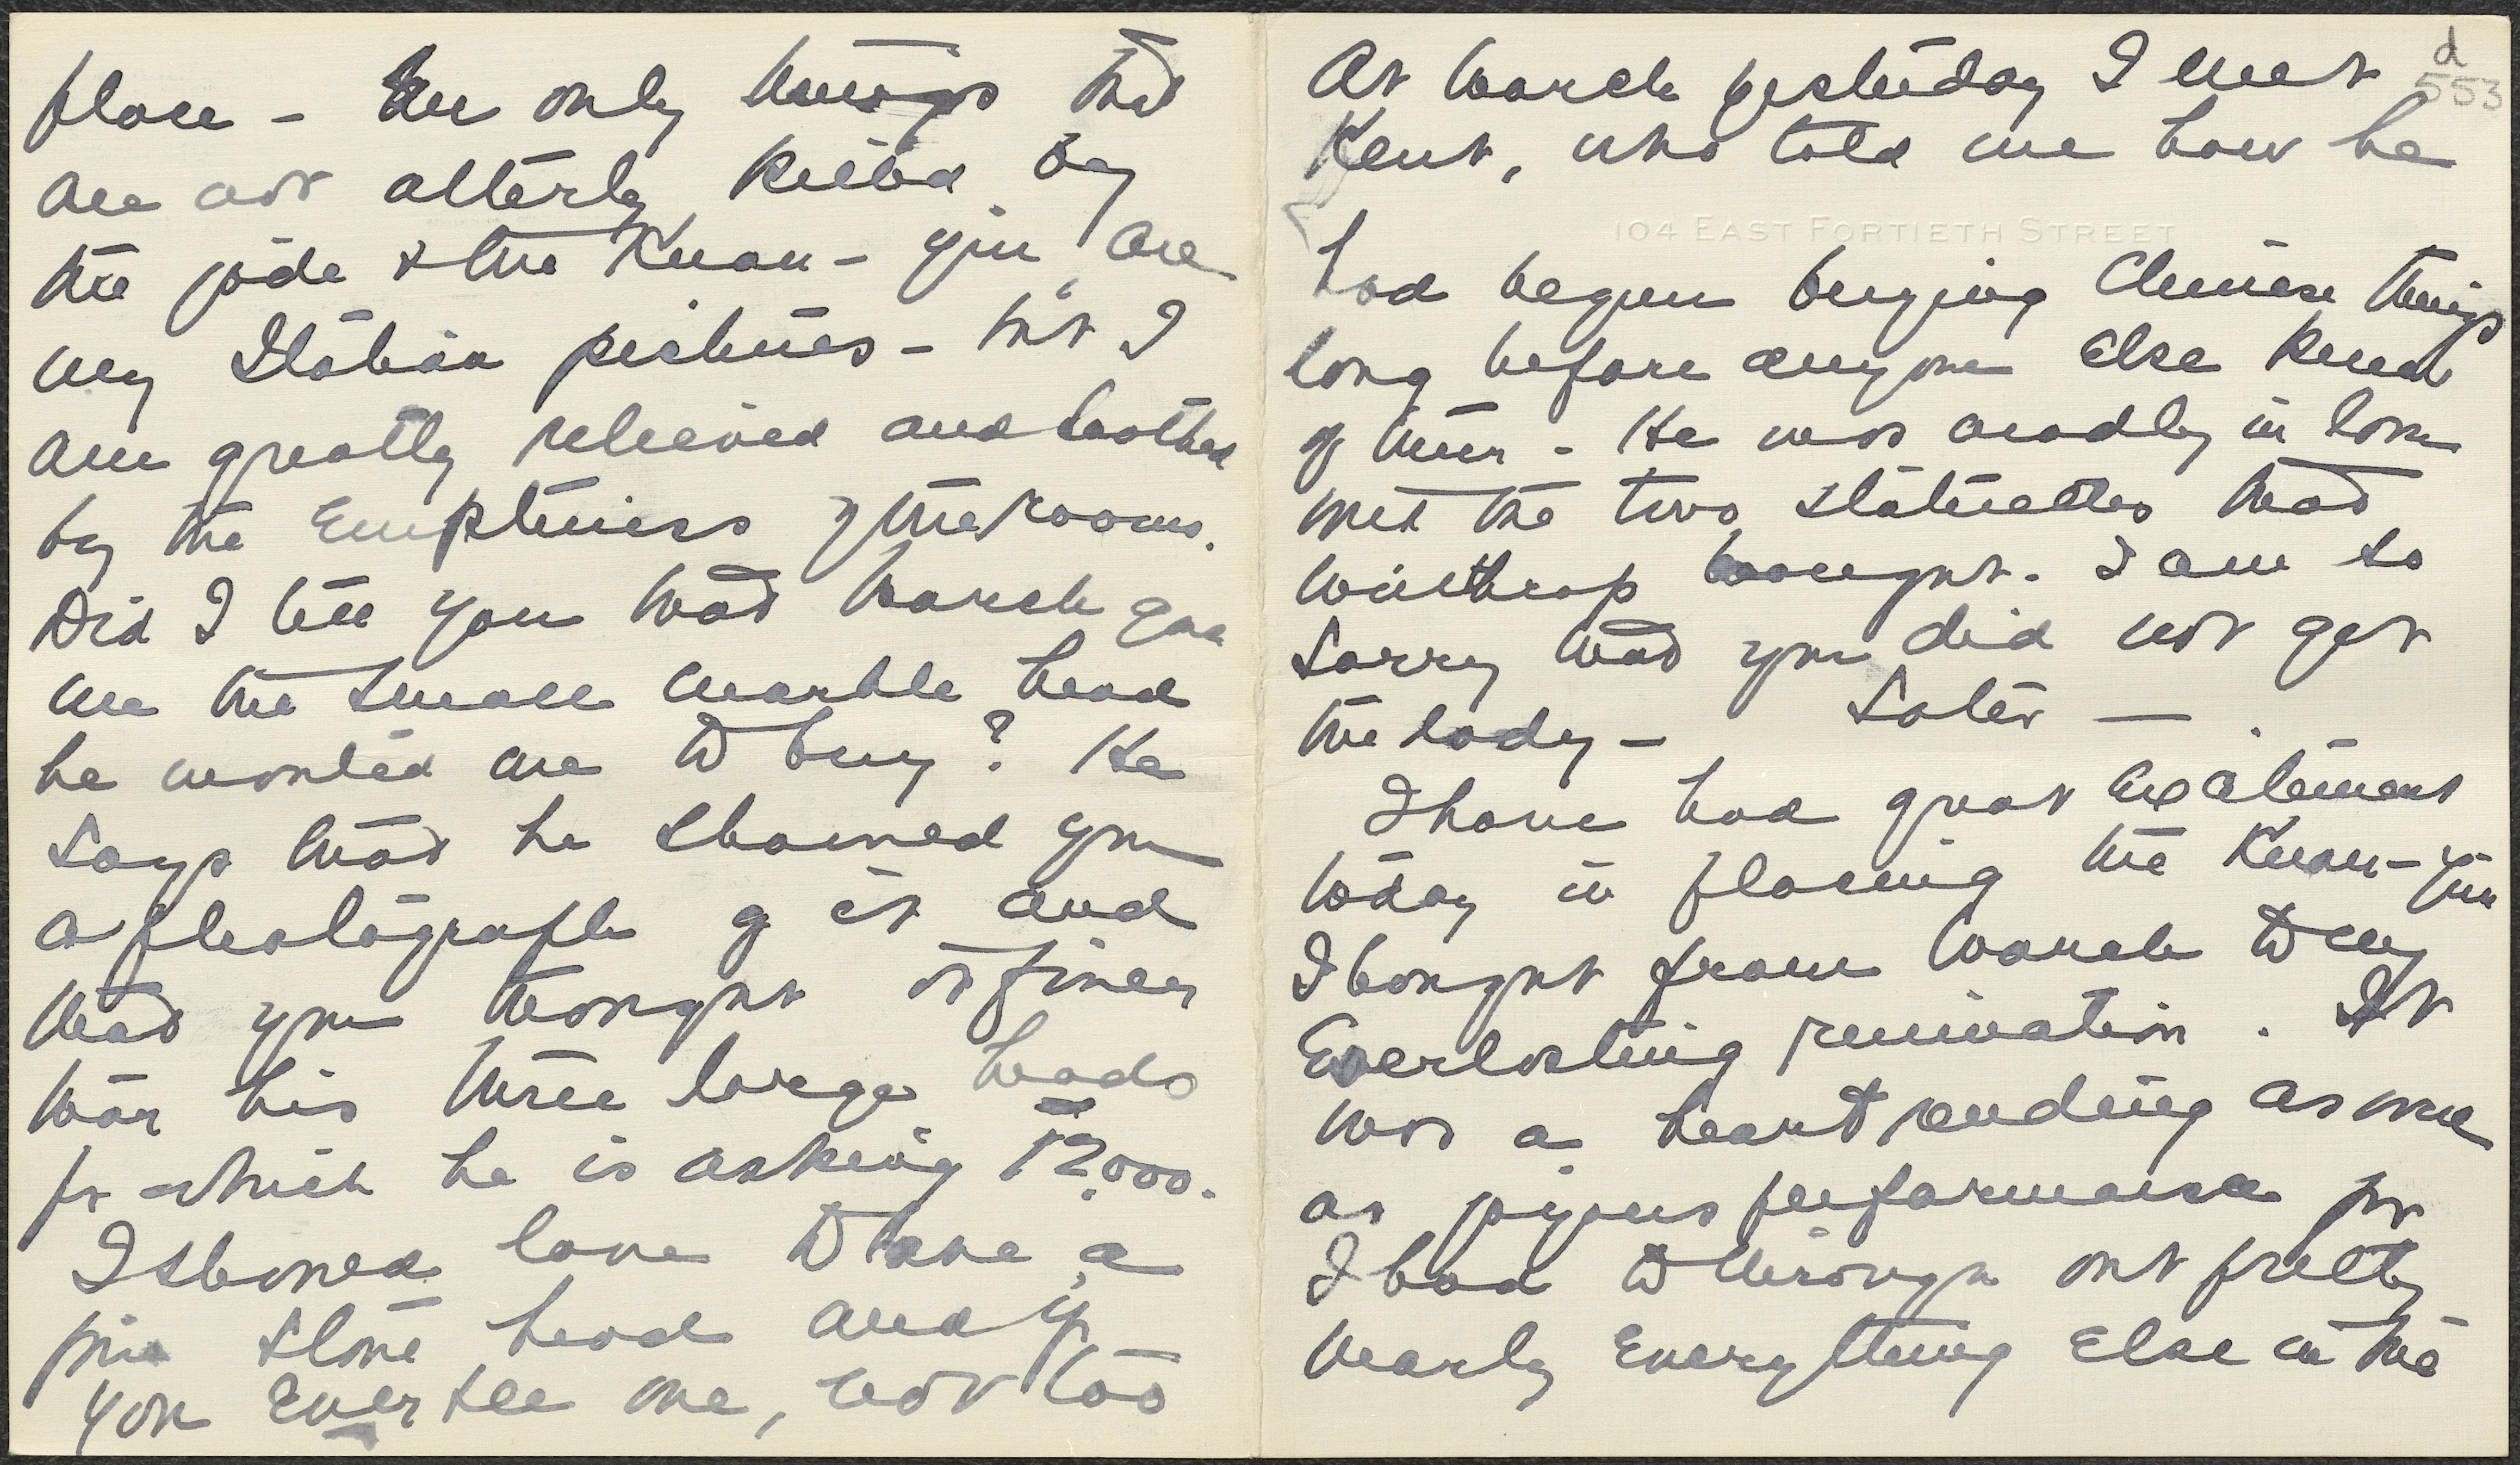At Worch yesterday I met Kent, who told me how he had begun buying Chinese things long before anyone else knew of them – He was madly in love with the two statuettes that Winthrop bought. I am so sorry that you did not get the lady – Later –
I have had great excitement today in placing the Kwan-yin I bought from Worch to my everlasting rumination. It was a heart rendering as well as joyous performance for I had to through [sic] out pretty nearly everything else in the
place – The only things that are not utterly killed by the jade & the Kwan-yin are my Italian pictures – but I am greatly relieved and soothed by the emptiness of the rooms. did I tell you that Worch gave me the small marble head he wanted me to buy? He says that he showed you a photograph of it and that you thought it finer than his three large heads for which he is asking $12,000. I should love to have a fine stone head and if you ever see one, not too